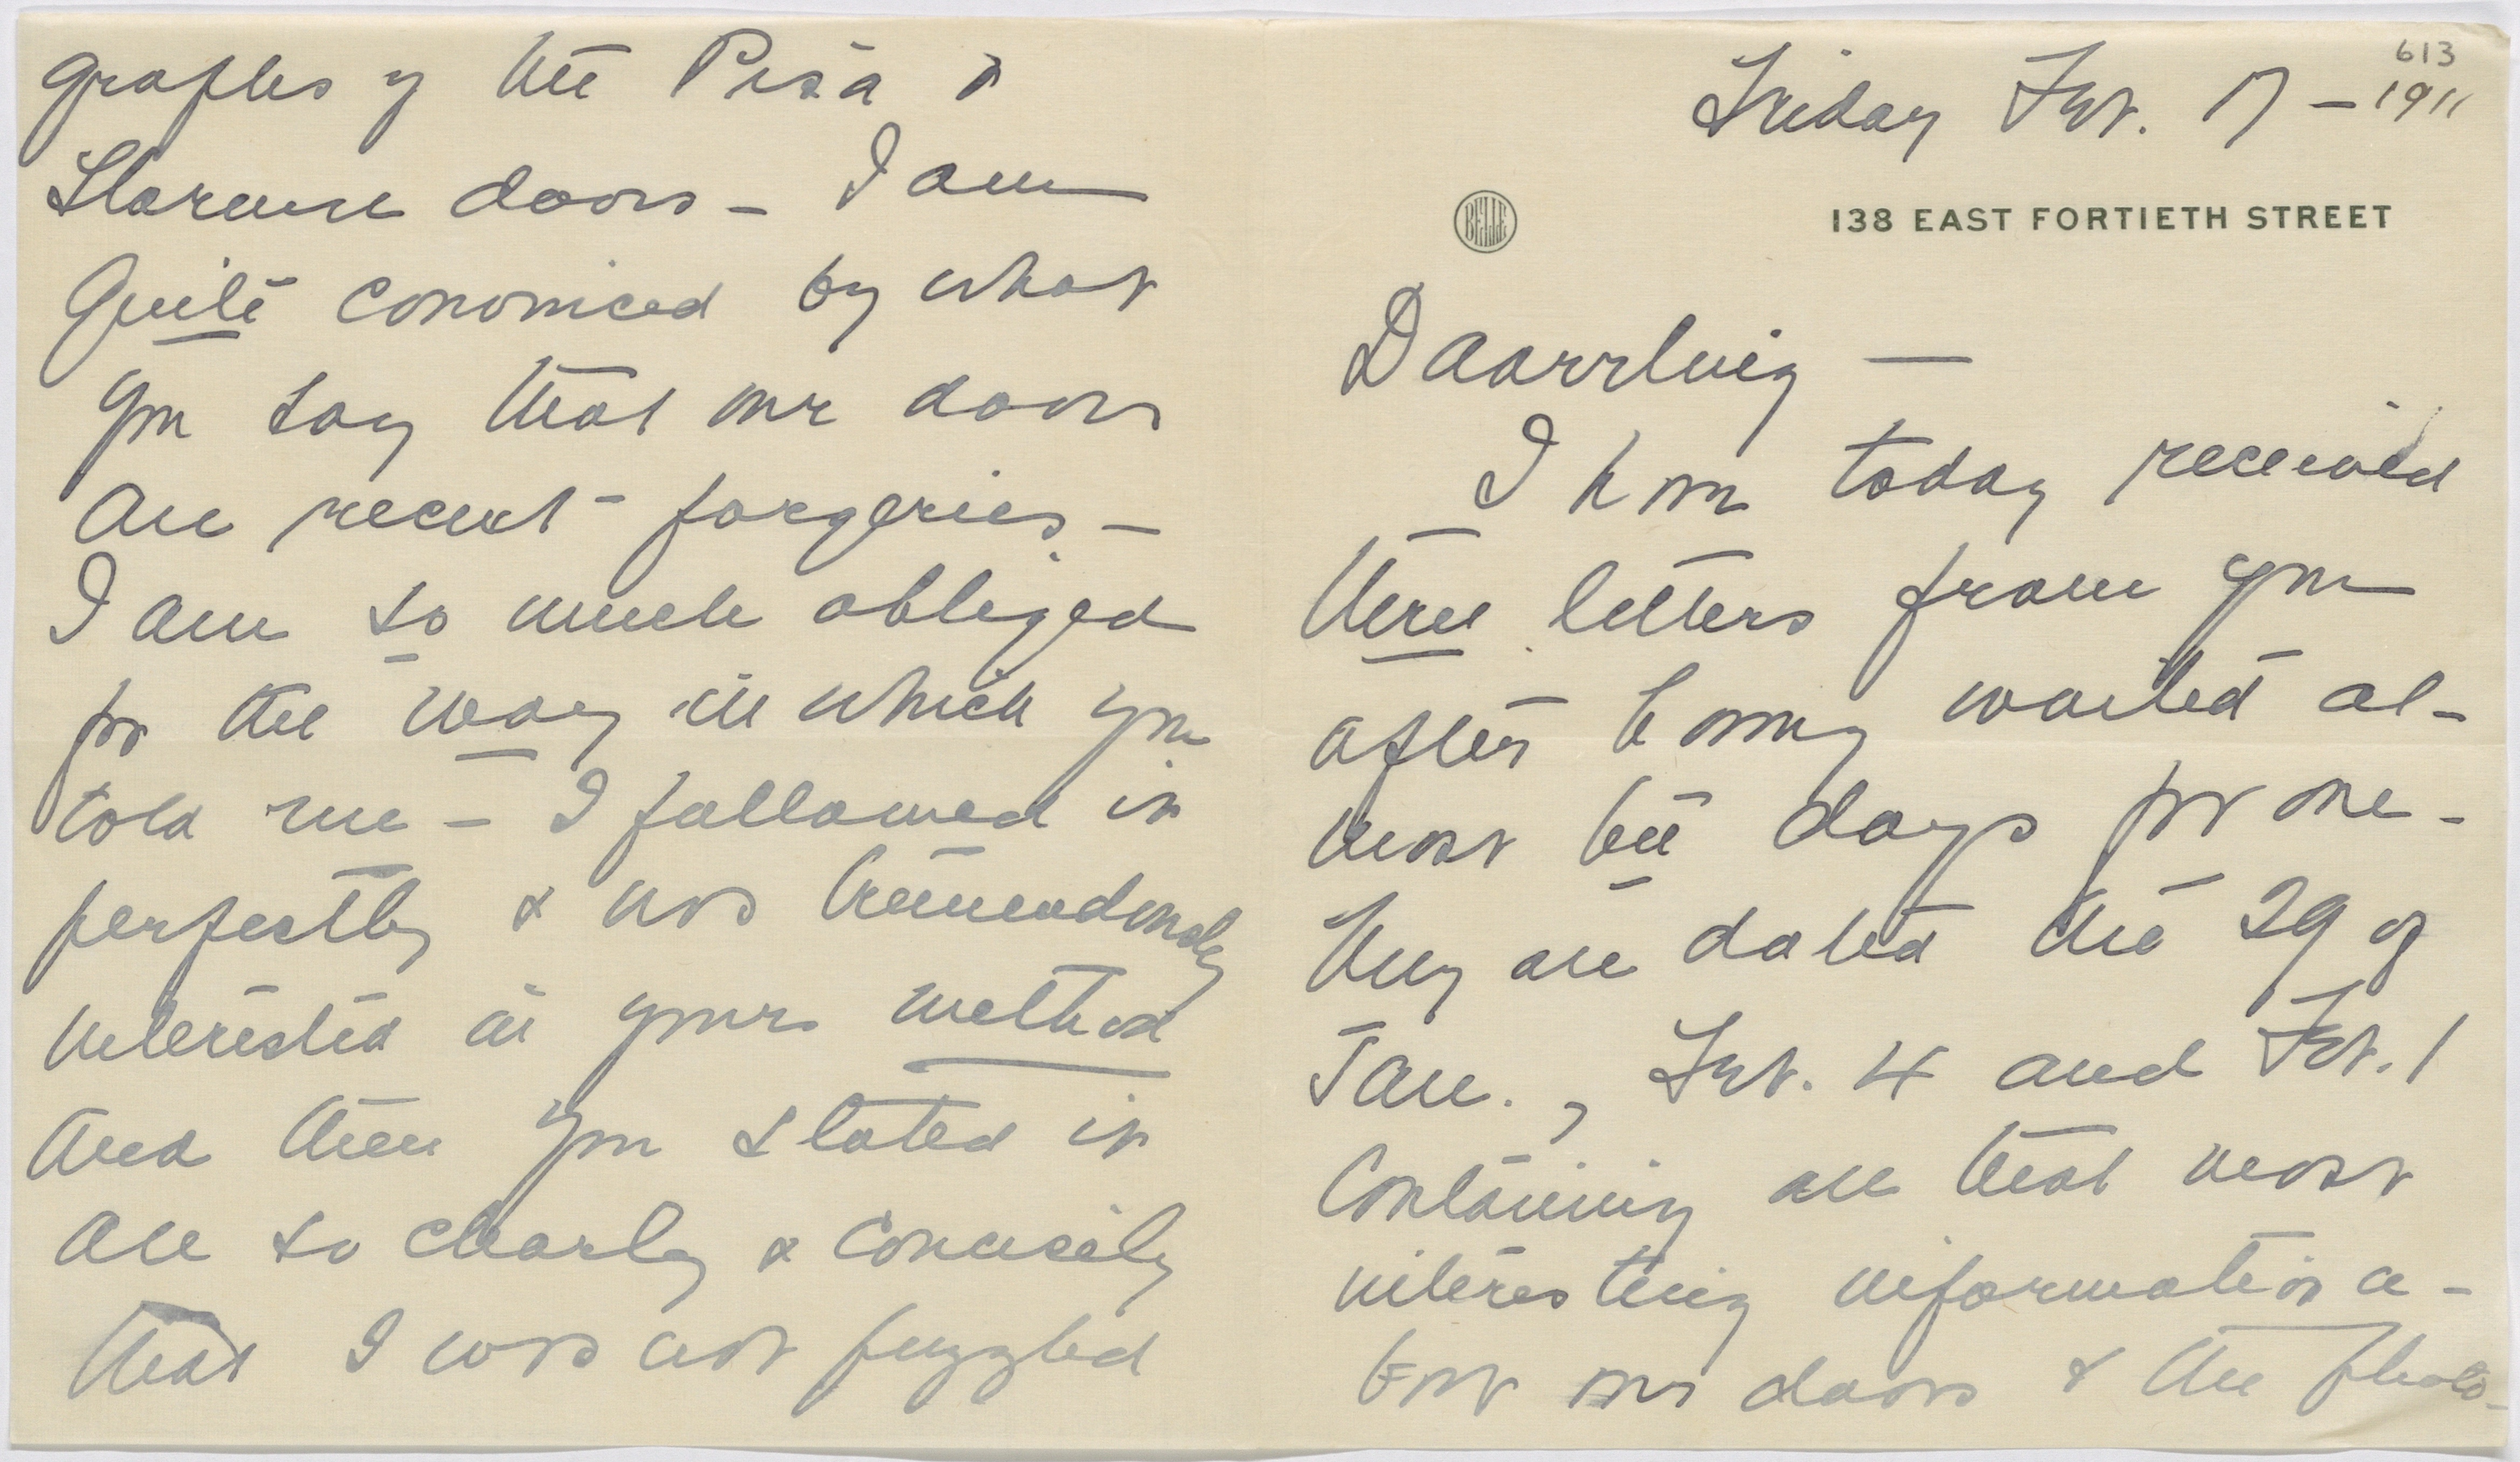Friday Feb. 17 –
Daarrling –
I have today received three letters from you after having waited almost ten days for one – They are dated the 29 of Jan., Feb. 4 and Feb. 1 containing all that most interesting information about our doors & the photographs
of the Pisa & Florence doors – I am quite convinced by what you say that our doors are recent forgeries – I am so much obliged for the way in which you told me – I followed it perfectly & was tremendously interested in your method and then you stated it all so clearly & concisely that I was not puzzled